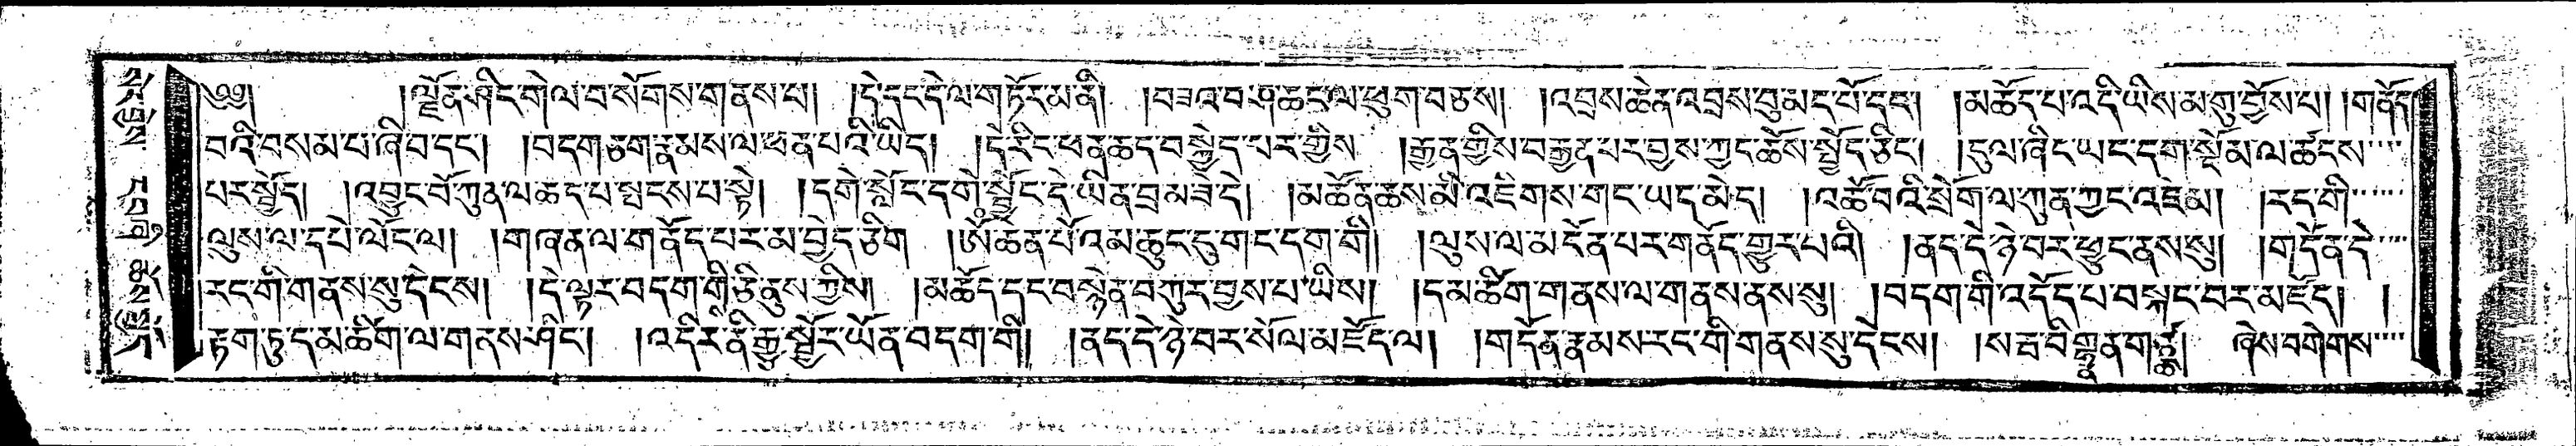༄༅། །ལྗོན་ཤིང་གེལ་བ་སོགས་གནས་པ། །དེ་དང་དེ་ལ་གཏོར་མ་ནི། །བཟའ་བ་ཤ་ཆང་ལ་ཕུག་བཅས། །འབྲས་ཆེན་འབྲས་བུ་མང་པོ་དང་། །མཆོད་པ་འདི་ཡིས་མགུ་བྱོས་པ། །གནོད་
པའི་བསམ་པ་ཞི་བ་དང་། །བདག་ཅག་རྣམས་ལ་ཕན་པའི་ཡིད། །དེ་རིང་ཕན་ཆད་བསྐྱེད་བར་གྱིས་།རྒྱན་གྱིས་བརྒྱན་པར་བྱས་ཀྱང་ཆོས་སྤྱོད་ཅིང་། །དུལ་ཞིང་ཡང་དག་སྡོམ་ལ་ཚངས་
པར་སྤྱོད། །འབྱུང་བོ་ཀུན་ལ་ཆད་པ་སྤངས་པ་སྟེ། །དགེ་སློང་དགེ་སྦྱོང་དེ་ཡིན་བྲམ་ཟེ་དེ། །མཚོན་ཆས་མི་འཇིགས་གང་ཡང་མེད། །འཚོ་བའི་སྲོག་ལ་ཀུན་ཀྱང་འཇམ། །རང་གི་
ལུས་ལ་དཔེ་ལོང་ལ། །གཞན་ལ་གནོད་པར་མ་བྱེད་ཅིག །ཨོཾ་ཆེན་པོ་འམ་ཆུང་ངུ་གང་དག་གི། །ལུས་ལ་མངོན་པར་གནོད་གྱུར་པའི། །ནད་དེ་ཉེ་བར་ཕྱུང་ནས་སུ། །གདོན་དེ་
རང་གི་གནས་སུ་དེངས། །དེ་ལྟར་བདག་གིས་ཅི་ནུས་ཀྱིས། །མཆོད་དང་བསྙེན་བཀུར་བྱས་པ་ཡིས། །དམ་ཚིག་གནས་ལ་གནས་ནས་སུ། །བདག་གི་འདོད་པ་བསྐང་བར་མཛོད། །
རྟག་ཏུ་དམ་ཚིག་ལ་གནས་ཤིང་། །འདིར་ནི་རྒྱུ་སྦྱོར་ཡོན་བདག་གི། །ནད་དེ་ཉེ་བར་སོལ་མཛོད་ལ། །གདོན་རྣམས་རང་གི་གནས་སུ་དེངས། །སརྦ་བིགྷྣན་ག་ཙྪ། ཞེས་བགེགས་